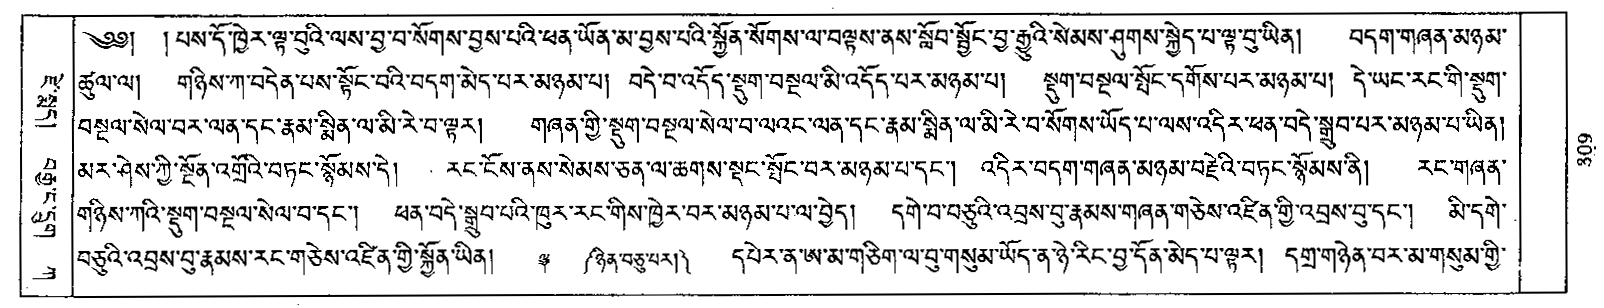༄༅། །པས་དོ་ཁྱེར་ལྟ་བུའི་ལས་བྱ་བ་སོགས་བྱས་པའི་ཕན་ཡོན་མ་བྱས་པའི་སྐྱོན་སོགས་ལ་བལྟས་ནས་སློབ་སྦྱོང་བྱ་རྒྱུའི་སེམས་ཤུགས་སྐྱེད་པ་ལྟ་བུ་ཡིན། བདག་གཞན་མཉམ་
ཚུལ་ལ། གཉིས་ཀ་བདེན་པས་སྟོང་བའི་བདག་མེད་པར་མཉམ་པ། བདེ་བ་འདོད་སྡུག་བསྔལ་མི་འདོད་པར་མཉམ་པ། སྡུག་བསྔལ་སྤོང་དགོས་པར་མཉམ་པ། དེ་ཡང་རང་གི་སྡུག་
བསྔལ་སེལ་བར་ལན་དང་རྣམ་སྨིན་ལ་མི་རེ་བ་ལྟར། གཞན་གྱི་སྡུག་བསྔལ་སེལ་བ་ལའང་ལན་དང་རྣམ་སྨིན་ལ་མི་རེ་བ་སོགས་ཡོད་པ་ལས་འདིར་ཕན་བདེ་སྒྲུབ་པར་མཉམ་པ་ཡིན།
མར་ཤེས་ཀྱི་སྔོན་འགྲོའི་བཏང་སྙོམས་ཏེ། རང་ངོས་ནས་སེམས་ཅན་ལ་ཆགས་སྡང་སྤོང་བར་མཉམ་པ་དང་། འདིར་བདག་གཞན་མཉམ་བརྗེའི་བཏང་སྙོམས་ནི། རང་གཞན་
གཉིས་ཀའི་སྡུག་བསྔལ་སེལ་བ་དང་། ཕན་བདེ་སྒྲུབ་པའི་ཁུར་རང་གིས་ཁྱེར་བར་མཉམ་པ་ལ་བྱེད། དགེ་བ་བཅུའི་འབྲས་བུ་རྣམས་གཞན་གཅེས་འཛིན་གྱི་འབྲས་བུ་དང་། མི་དགེ་
བཅུའི་འབྲས་བུ་རྣམས་རང་གཅེས་འཛིན་གྱི་སྐྱོན་ཡིན། ༈ ?ཉིན་བཅུ་པར། དཔེར་ན་ཨ་མ་གཅིག་ལ་བུ་གསུམ་ཡོད་ན་ཉེ་རིང་བྱ་དོན་མེད་པ་ལྟར། དགྲ་གཉེན་བར་མ་གསུམ་གྱི་